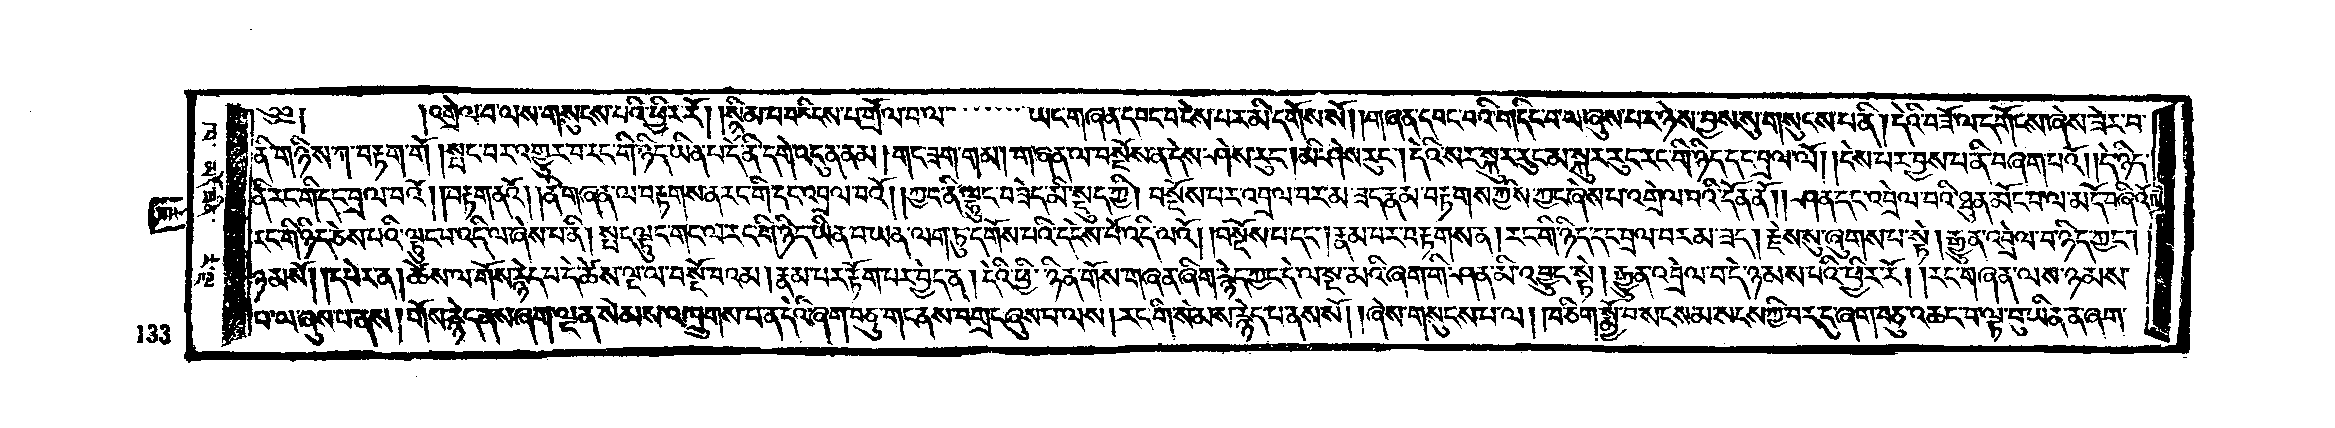༄༅། །འགྲེལ་པ་ལས་གསུངས་པའི་ཕྱིར་རོ། །སྙིམ་པ་བཅིངས་པ་གྲོལ་བ་ལ་ཡང་གཞན་དབང་བ་ངེས་པར་མི་དགོས་སོ། །གཞན་དབང་བའི་གདིང་བ་ལ་ཞུས་པར་ཉེས་བྱས་སུ་གསུངས་པ་ནི། དེའི་བཟོ་ལ་དགོངས་ཞེས་ཟེར་བ་
ནི་གཉིས་ཀ་བརྟག་གོ །སྤང་བར་འགྱུར་བ་རང་གི་ཉིད་ཡིན་པ་དོ་ནི་དགེ་འདུན་ནམ། གང་ཟག་གམ། གཞན་ལ་བསྔོས་ན་དེས་ཤེས་རུང་། མི་ཤེས་རུང་། དེའི་སར་སྐུར་རུང་མ་སྐུར་རུང་རང་གི་ཉིད་དང་བྲལ་ལོ། །ངེས་པར་བྱས་པ་ནི་གཞག་པའོ། །དེ་ཉིད་
ནི་རང་གི་དང་བྲལ་བའོ། །བརྟག་ནའོ། །ནི་གཞན་ལ་བརྟགས་ན་རང་གི་དང་འབྲལ་བའོ། །ཀྱང་ནི་ལྷུང་བཟེད་མི་སྡུད་ཀྱི། བསྔོས་པར་འབྲལ་བ་མ་ཟད་རྣམ་བརྟགས་ཀྱིས་ཀྱང་ཞེས་པ་འགྲེལ་བའི་དོན་ནོ། །ཤན་དང་འབྲེལ་བའི་ཐུན་མོང་བ་ལ་མདོ་བཞིའོ།།
རང་གི་ཉིད་ཅེས་པའི་ལྟུང་བ་འདི་ལ་ཞེས་པ་ནི། སྤང་སྟུང་གང་ལ་རང་གི་ཉིད་ཡིན་པ་ཡན་ལག་ཏུ་དགོས་པའི་དངོས་པོ་འདི་ལའོ། །བསྔོས་པ་དང་། རྣམ་པར་བརྟགས་ན། རང་གི་ཉིད་དང་བྲལ་བར་མ་ཟད། རྗེས་སུ་ཞུགས་པ་སྟེ། རྒྱུན་འབྲེལ་བ་ཉིད་ཀྱང་།
ཉམས། །དཔེར་ན། ཆོས་ལ་གོས་རྙེད་པ་དེ་ཚེས་ལྔ་ལ་བསྔོ་བའམ། རྣམ་པར་རྟོག་པར་བྱེ་དྣ། དེའི་ཕྱི་ཉིན་གོས་གཞན་ཞིག་རྙེད་ཀྱང་དེ་ལ་སྔ་མའི་ཞག་གི་ཤན་མི་འབྱུང་སྟེ། རྒྱུན་འབྲེལ་བ་དེ་ཉམས་པའི་ཕྱིར་རོ། །རང་གཞན་ལས་ཉམས་
པ་ལ་ཞུས་པ་ནས། གོས་རྙེད་ནས་ཞག་ལྔན་སེམས་འཁྲུགས་པ་ན་དེའི་ཞག་བཅུ་གང་ནས་འགྲང་ཞུས་པ་ལས། རང་གི་སེམས་རྙེད་པ་ནས་སོ། །ཞེས་གསུངས་པ་ལ། ཁ་ཅིག་སྨྱོ་བ་སངས་མ་སངས་གི་བར་དུ་ཞག་བཅུ་འཆང་བ་ལྟ་བུ་ཡིན་ན་ཞག་